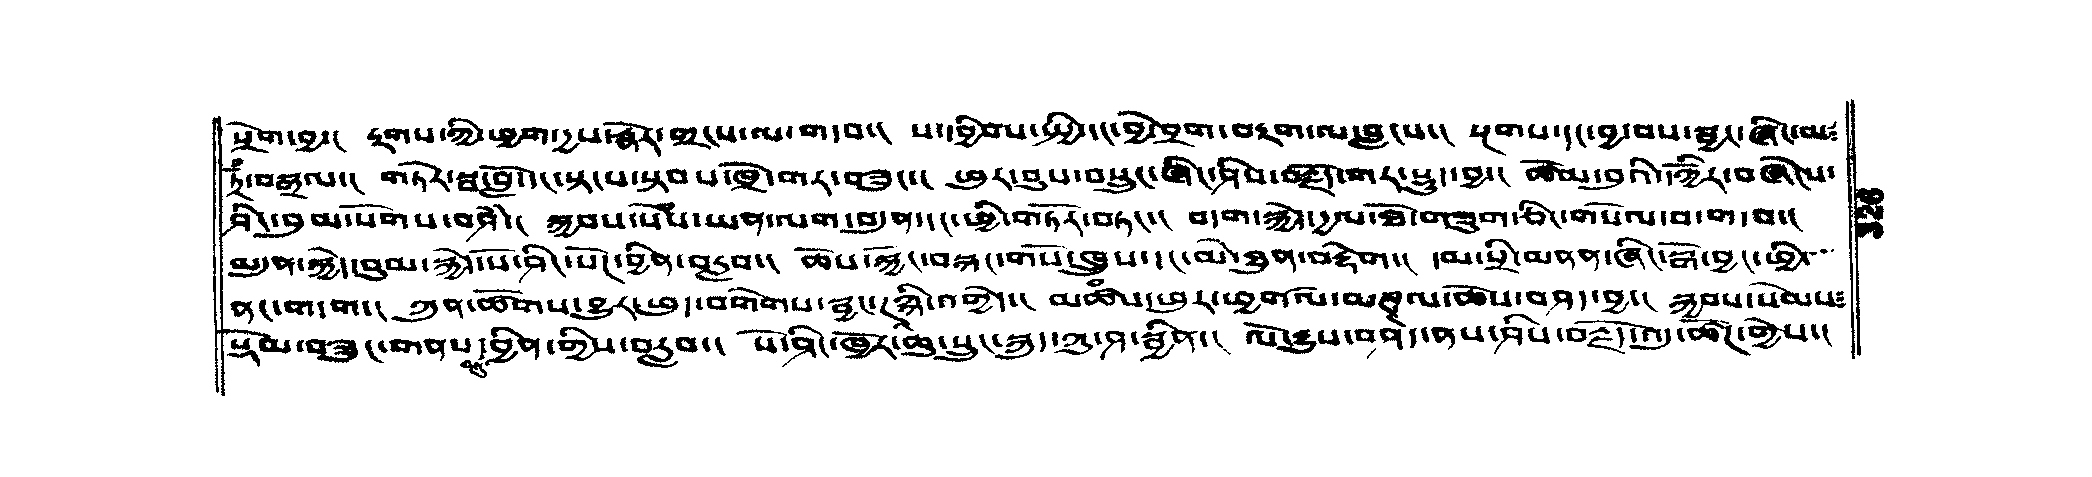སྲེག་བྱ། །རྟགས་ཀྱི་ཕྱག་རྒྱས་རྣལ་འབྱོར་གྲངས་ལ་གདབ། །ས་དབྱིབས་སྤྱི་དང་བྱེ་བྲག་བརྟག་ལ་བླངས། །སྔགས་དང་བྱ་བས་སྦྱང་ཞིང་མ་
ཏྲཾ་བསྒྲལ། །གཏེར་སྦ་བློ་དང་སྟངས་སྟབས་ཁྲོ་གར་བཟུང་། །ཕུར་བུས་བསྲུང་ཞིང་ཤིས་བརྗོད་གར་སྡུད་བྱ། །ཚོམ་བུའི་དཀྱིལ་འཁོར་བཞེངས་
ཤིང་བུམ་སོགས་བཤམས། །སྐྱབས་སེམས་ཡན་ལག་བདུན་དང་ཕྱི་གཏོར་བཏང་། །བདག་སྐྱེད་རྒྱལ་ཐོ་གཟུག་ཅིང་གསོལ་བ་གདབ། །
མདུན་སྐྱེད་བུམ་སྐྱེད་སོ་ཤིང་སོགས་བྱིན་བརླབ། ཆོས་སྐྱོང་བསྐང་གསོ་ཁྲུས་དང་མེ་ཐུན་བརྡེག་།དམ་སྲི་མནན་ཞིང་སྒོ་བྱང་ཕྱི་
ནང་གདག་།ཀུན་ཚོགས་བྷུར་ཕུད་བགེགས་སྦྱང་ཌཱཀྐི་འགྱེད། །མཚམས་ཕུར་ཕྱག་འཚལ་མཎྜལ་ཆོས་བཤད་བྱ། །སྐྱབས་སེམས་
སྡོམ་བཟུང་གནས་གསུམ་བྱིན་གྱིས་བརླབ། །སོ་ཤིང་ཁྱོར་ཆུ་སྲུང་སྐུད་ཀུ་ཤ་སྦྱིན། །ལོ་རྒྱུས་བཤད་ནས་ཤིས་བརྗོད་འདུ་ཚོགས་དགྱེས། །